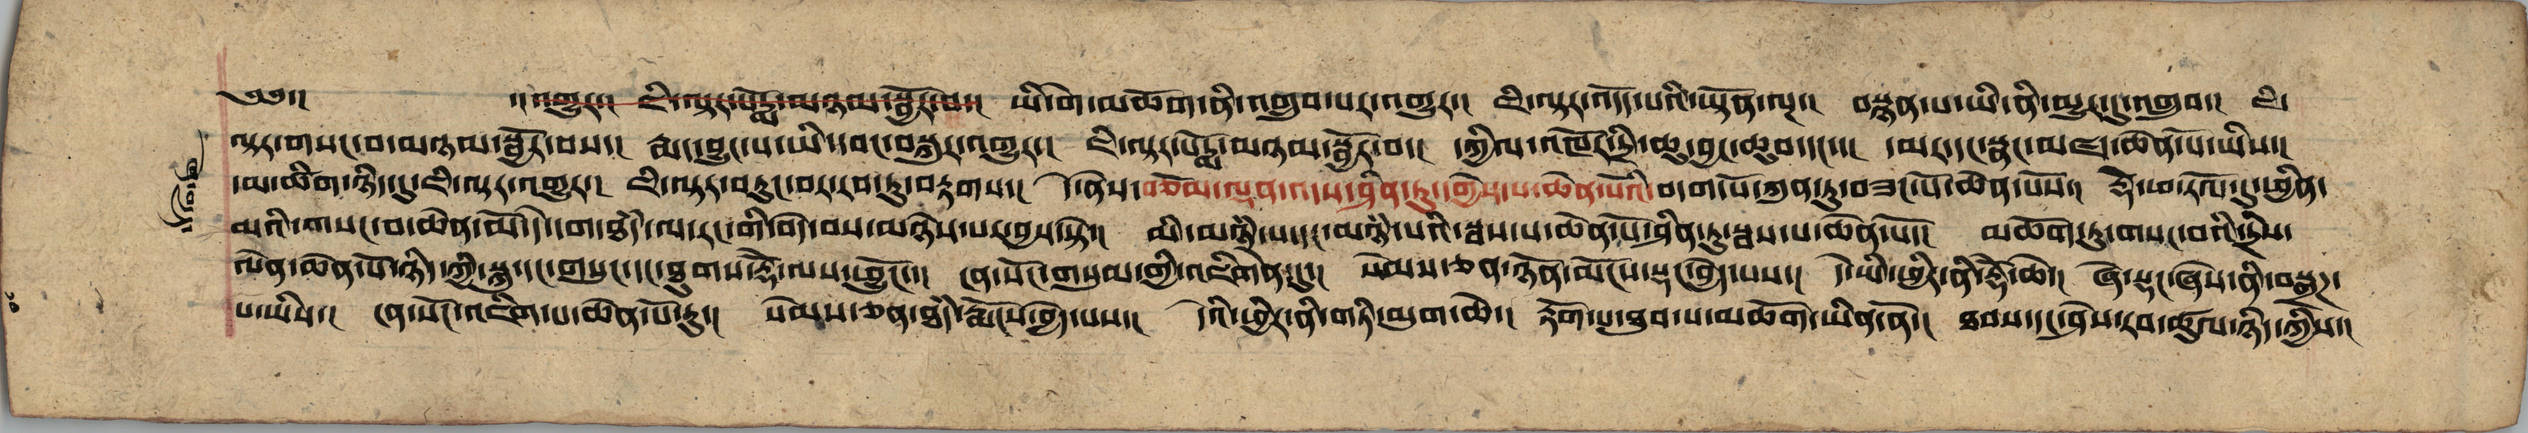༄༅་། ་།འགྱུར་། ཇི་ལྟར་པདྨོ་མཉམ་སྦྱོར་བ་། ཡི་གེ་མཆོག་ནི་འགྲུབ་པར་འགྱུར་། ཇི་ལྟར་འདོད་པའི་ཡྟོན་ལྔ་། བསྙན་པ་ཡི་ནི་མྱུར་དུ་འགྲུབ་། ཇི་
ལྟར་གསང་བ་མཉམ་སྦྱོར་བས་། རྨད་བྱུང་པ་ཡི་དབང་བསྐུར་འགྱུར་། ཇི་ལྟར་པདྨོ་མཉམ་སྦྱོར་བ་། དཀྱིལ་འཁོར་དྲི་ཆུ་བྱང་ཆུབ་དང་་། དམར་དང་སྣང་མཛད་ཆེན་པོ་ཡིས་།
དམ་ཚིག་ཉིད་དུ་ཇི་ལྟར་འགྱུར་། ཇི་ལྟར་བཏུང་བར་རབ་ཏུ་བརྟགས་། དེ་ནེས་བཅོམ་ལྡན་འདས་ཤིན་ཏུ་དགྱེས་པ་ཆེན་པོའི་བདག་པོ་ཀུན་ཏུ་བཟང་པོ་ཆེན་པོས་། རྡོེ་ཕ་རོལ་དུ་ཕྱིན་
མའི་གསང་བ་ཆེན་མོ་དེ་དག་ཐདཾ་ལ་རང་གི་བདེ་བས་མཉེས་པར་བྱས་སྟེ་། མི་མཉཾ་པ་དང་མཉཾ་པའི་སྦས་པ་ཆེན་པོ་ཤིན་ཏུ་སྦས་པ་ཆེན་པོ་། མཆོག་ཏུ་གསང་བའི་དྲིས་
ལེན་ཆེན་པོ་ཉིད་ཀྱི་སྐུ་དང་གསུང་དང་ཐུགས་རྡོེ་ལས་ཕྱུངོ་་། ངན་སོང་གསུམ་གྱི་འཇིགེན་དུ་། སེམས་ཅན་ཉོན་མོངས་སྡང་བྱེད་པས་། དེ་ཡི་ཕྱིར་ནི་རྡོེ་ཆེ་། ཞེ་སྡང་ཞེས་ནི་བསྒྲཌ་
པ་ཡིས་། ངན་སོང་འཛིག་པ་ཆེན་པོ་རུ་། སེམས་ཅན་ཐདཾ་རྨོངས་བྱེད་པས་། དེའི་ཕྱིར་ནི་གཏི་མུག་ཆེ་། རྟོག་པ་ཐུབ་པ་མཆོག་ཡིན་ནོ་། ཐབས་དང་ཤེས་རབ་ཚུལ་ཉིད་ཀྱིས་།